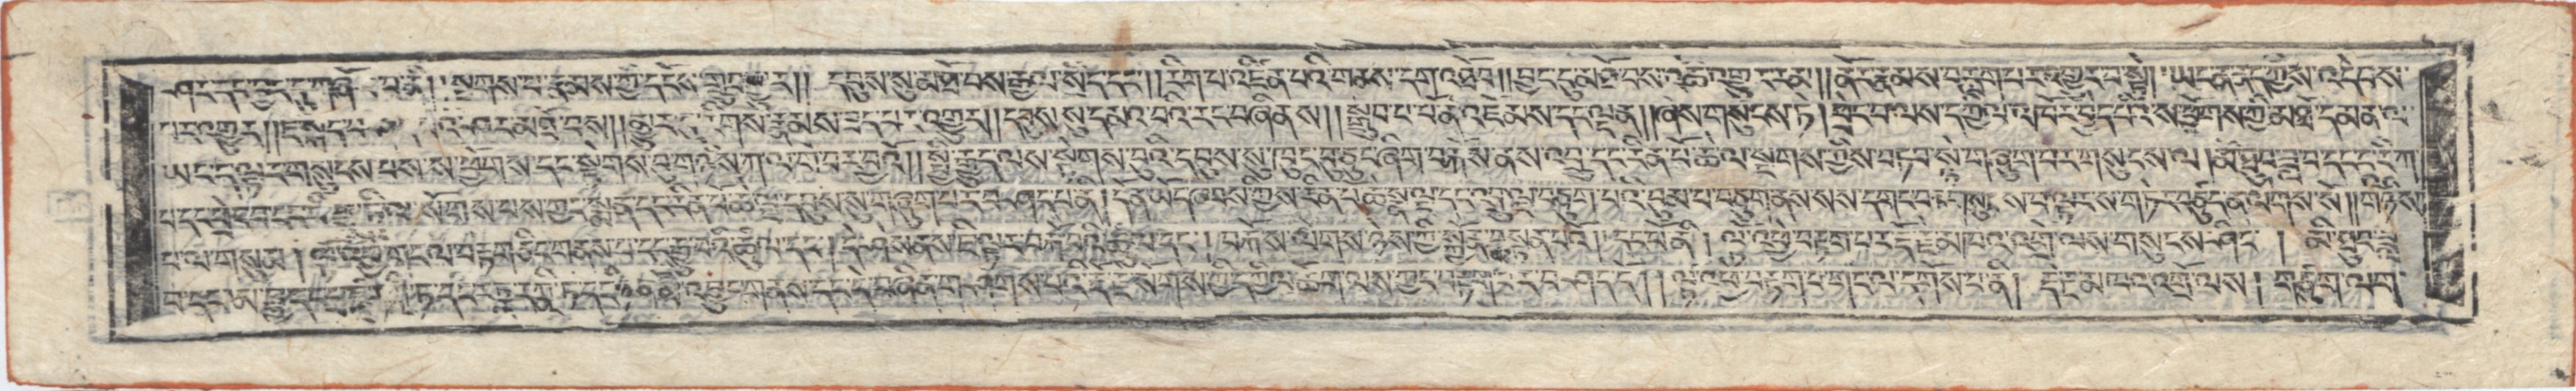ཤར་དང་བྱང་དུ་གཞོལ་བ་ནི། །སྔགས་པ་རྣམས་ཀྱི་དངོས་གྲུབ་གྱུར། །དབུས་སུ་མཐོ་བས་རྒྱལ་སྲིད་དང་། །རིག་པ་འཛིན་པའི་གནས་དག་འཐོབ། །བྱང་དུ་མཐོ་བས་འཚེ་འགྱུར་རམ། །ནོར་རྣམས་བརླག་པར་འགྱུར་བ་སྟེ། །ཡང་ན་ནད་ཀྱིས་འདེབས་
པར་འགྱུར། །ཇི་སྐད་བཤད་པའི་ཤར་མཐོ་བས། །མྱུར་དུ་རིགས་རྣམས་ཟད་པར་འགྱུར། །དབུས་སུ་དམའ་བའི་རང་བཞིན་ས། །སྒྲུབ་པ་པོ་ནི་འཇོམས་དང་ལྡན། །ཞེས་གསུངས་ཏེ། ཕྲེང་བ་ལས་དཀྱིལ་འཁོར་བྱེད་པའི་ས་ཕྱོགས་ཀྱི་མཐོ་དམན་ལ་
ཡང་དེ་ལྟར་གསུངས་པས་ས་ཕྱོགས་དང་སྟེགས་བུ་གཉིས་ཀ་ལ་གོ་བར་བྱའོ། །སྤྱི་རྒྱུད་ལས་སྟེགས་བུའི་དབུས་སུ་ཁུང་བུ་ཅུང་ཞིག་བརྐོས་ནས་འབྲུ་དང་རིན་པོ་ཆེ་ལ་སྔགས་ཀྱིས་བཏབ་སྙེ་གཞུག་པར་གསུངས་ལ། མི་ཐུབ་ཟླ་བ་དང་དཱ་རི་ཀ་
པ་དང་ཕྲེང་བ་དང་བི་བྷཱུ་ཏཱི་ལ་སོགས་པས་ཀྱང་སྨན་དང་རིན་པོ་ཆེ་ལྔ་དབུས་སུ་གཞུག་པར་བཤད་པ་ནི། དོན་ཡོད་ཞབས་ཀྱིས་རིན་པོ་ཆེ་སྣ་ལྔ་དང་འབྲུ་ལྔ་བཅུག་པའི་བུམ་པ་བཅུག་ནས་སས་དགང་བར་གསུངས་པ་ལྟར་ས་གཏེར་བཙུད་ན་ལེགས་སོ། །གཉིས་
པ་ལ་གསུམ། ལྟོ་འཕྱི་གང་ལ་བརྟག་ཅིང་གནས་པ་དང་རྒྱུ་བའི་ཚུལ་དང་། དེ་ཤེས་ནས་ཇི་ལྟར་བརྐོ་བའི་ཚུལ་དང་། བརྐོ་ས་ལེགས་ཉེས་ཀྱི་སྐྱོན་བསྟན་པའོ། །དང་པོ་ནི། ལྟོ་འཕྱེ་བརྟག་པར་རྡོ་རྗེ་མཁའ་འགྲོ་ལས་གསུངས་ཤིང་། མི་ཐུབ་ཟླ་
བ་དང་ཨ་བྷྱ་དང་པྲཛྙཱ་རཀྵི་ཏ་དང་རཏྣ་རཀྵི་ཏ་དང་ཉིན་མོ་འབྱུང་གནས་དང་དེ་བཞིན་གཤེགས་པའི་རྡོ་རྗེ་སོགས་ཀྱི་དཀྱིལ་ཆོག་ལས་ཀྱང་བརྟག་པར་བཤད་དོ། །ལྟོ་འཕྱེ་བརྟག་པ་གང་ལ་དགོས་པ་ནི། རྡོ་རྗེ་མཁའ་འགྲོ་ལས། གཙུག་ལག་